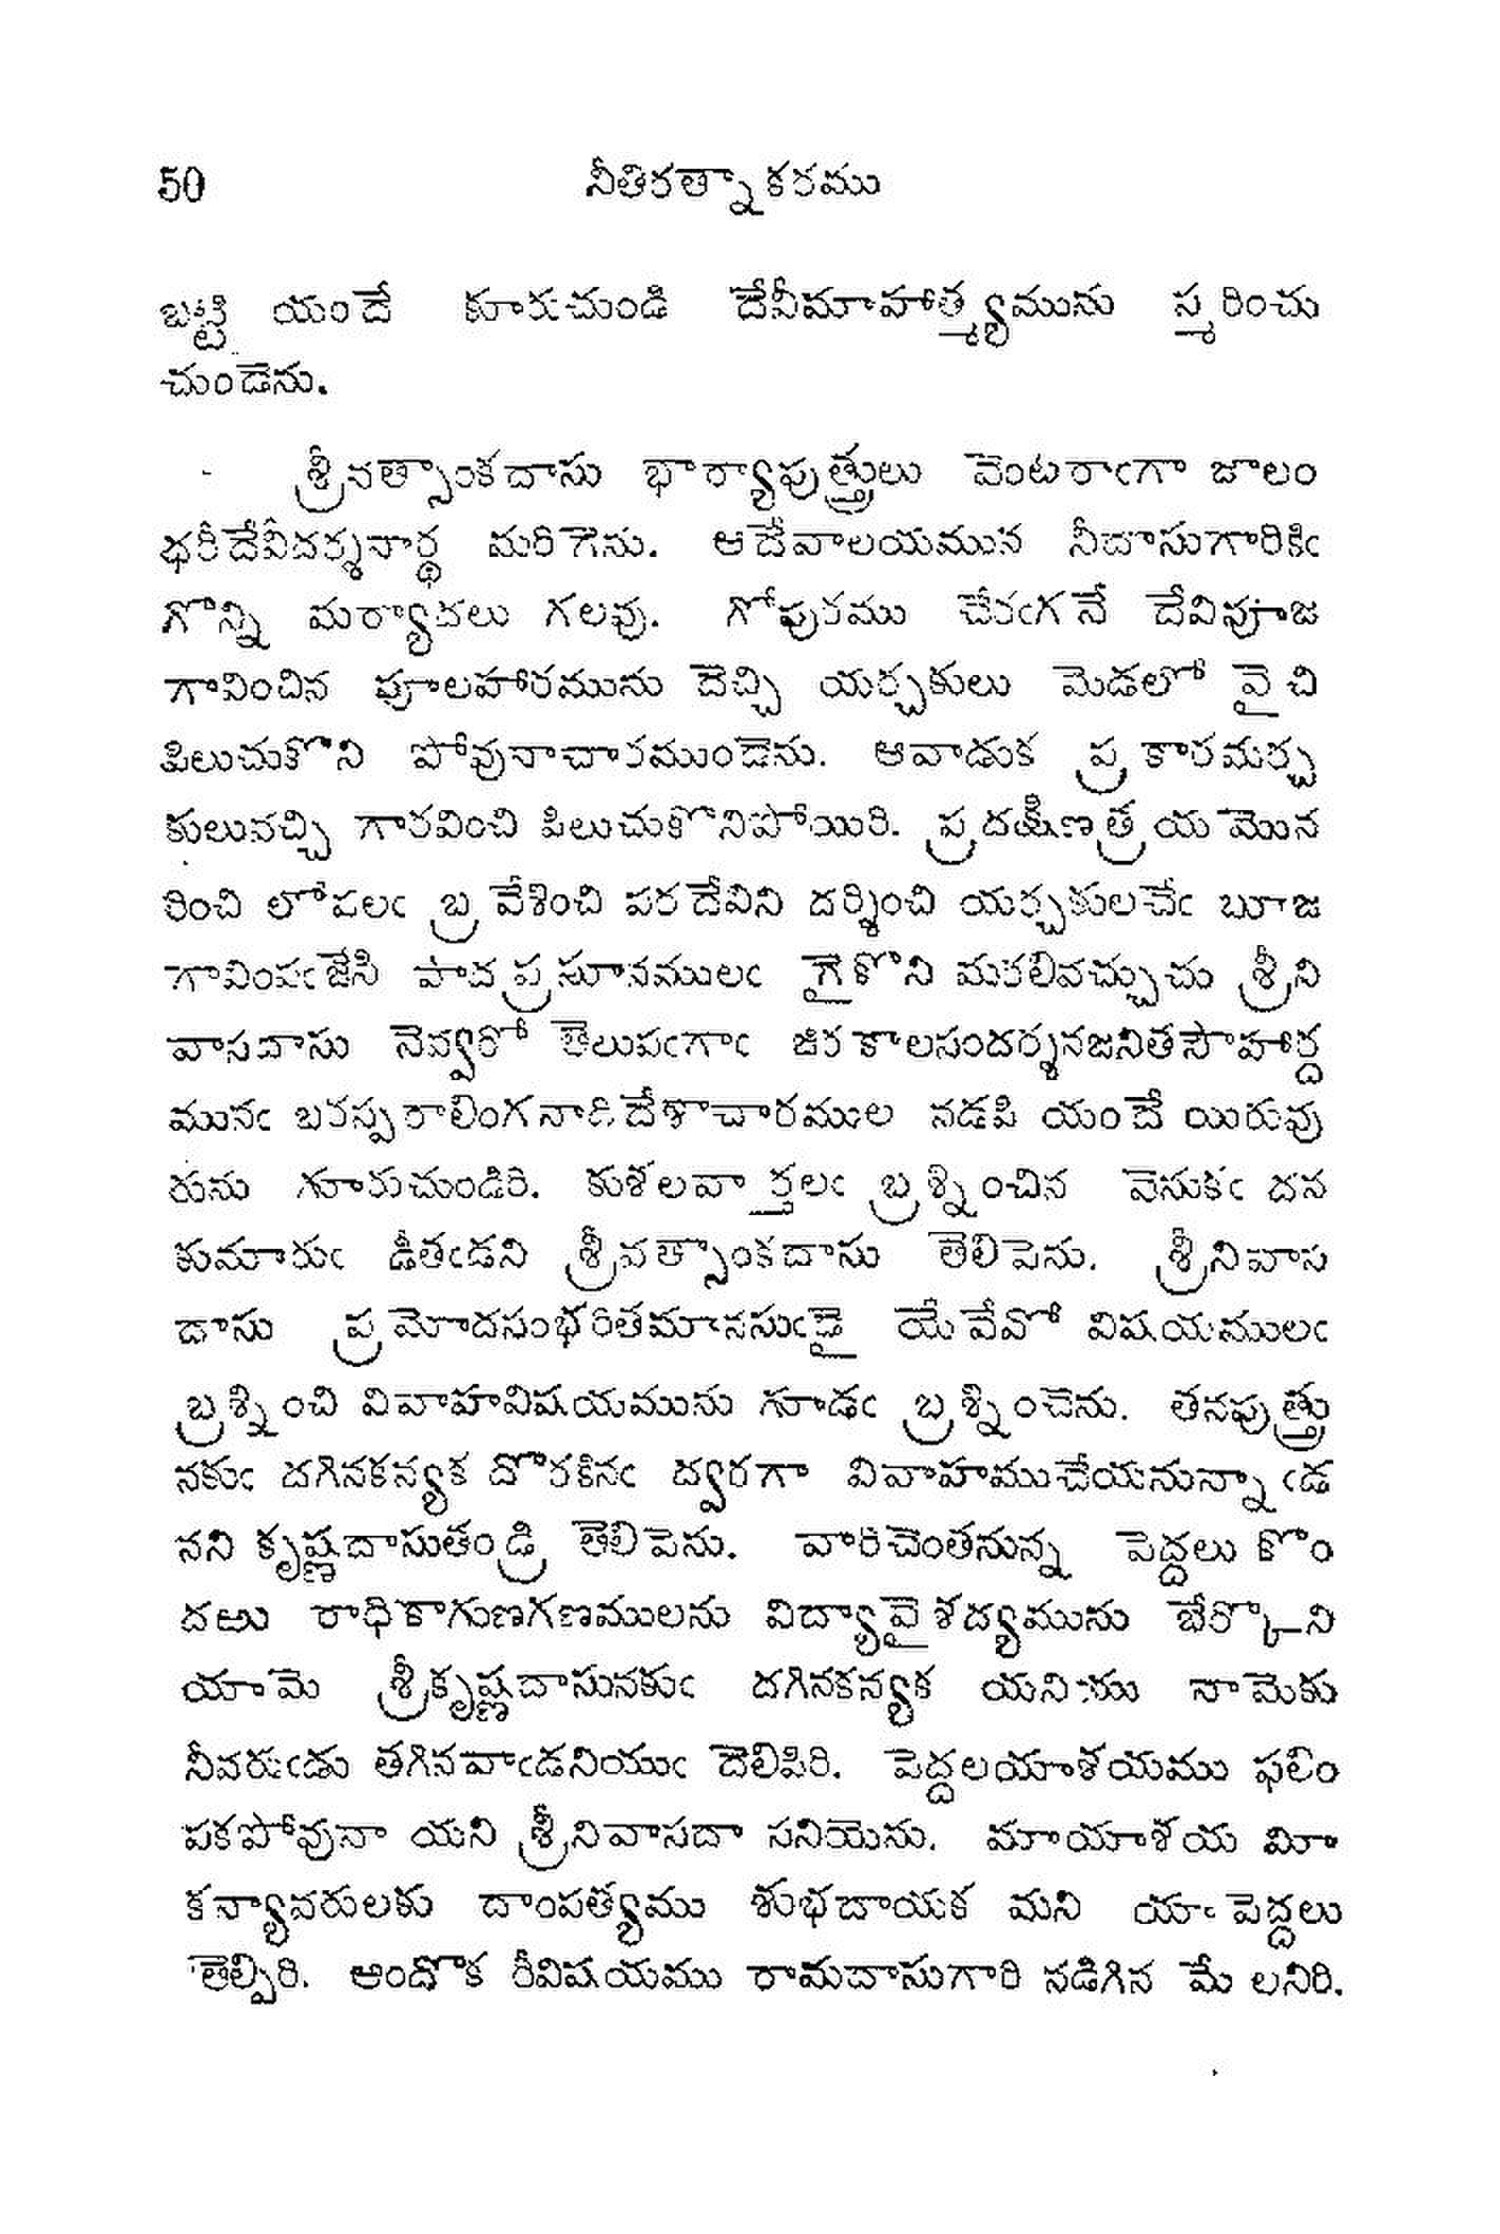బట్టి యందే కూరుచుండి దేవీ మాహాత్యమును స్మరించు చుండెను.

శ్రీవత్సాంకదాసు భార్యాపుత్త్రు లు వెంట రాఁగా జాలంధరీదేవీ దర్శనార్థ మరిగెను. ఆదేవాలయమున నీదాసుగారికిఁ గొన్ని మర్యాదలు గలవు. గోపురము చేరఁగనే దేవి పూజ గావించిన పూలహారమును దెచ్చి యర్చకులు మెడలో వైచి పిలుచుకొని పోవునాచారముండెను. ఆవాడుక ప్రకారమర్చకులువచ్చి గారవించి పిలుచుకొని పోయిరి. ప్రదక్షిణత్రయ మొనరించి లోపలఁ బ్రవేశించి పరదేవిని దర్శించి యర్చకులచేఁ బూజ గావింపఁ జేసి పాద ప్రసూనములఁ గైకొని మరలివచ్చుచు శ్రీనివాసదాసు నెవ్వరో తెలుపఁగాఁ జిర కాలసందర్శనజనిత సౌహార్దమునఁ బరస్పరాలింగ నాది దేశాచారముల నడపి యందే యిరువురును గూరుచుండిరి. కుశలవార్తలఁ బ్రశ్నించిన 'వెనుకఁ దన కుమారుఁ డీతఁడని శ్రీవత్సాంకదాసు తెలిపెను. శ్రీనివాస దాసు ప్రమోదసంభరితమానసుఁడై యే వేవో విషయములఁ బ్రశ్నించి వివాహవిషయమును గూడఁ బ్రశ్నించెను. తనపుత్రునకుఁ దగినకన్యక దొరకినఁ ద్వరగా వివాహము చేయనున్నాఁడ నని కృష్ణదాసుతండ్రి, తెలిపెను. వారి చెంతనున్న పెద్దలు కొందఱు రాధికాగుణగణములను విద్యావైశద్యమును బేర్కొని యామే శ్రీకృష్ణ దాసునకుఁ దగినకన్యక యనియు నామెకు నీవరుఁడు తగినవాఁడనియుఁ దెలిపిరి. పెద్దలయాశయము ఫలింపకపోవునా యని శ్రీనివాసదా సనియెను. మాయాశయ మీ కన్యావరులకు దాంపత్యము శుభదాయక మని యా పెద్దలు 'తెల్పిరి. అందొక రీవిషయము రామదాసుగారి నడిగిన మేలనిరి.